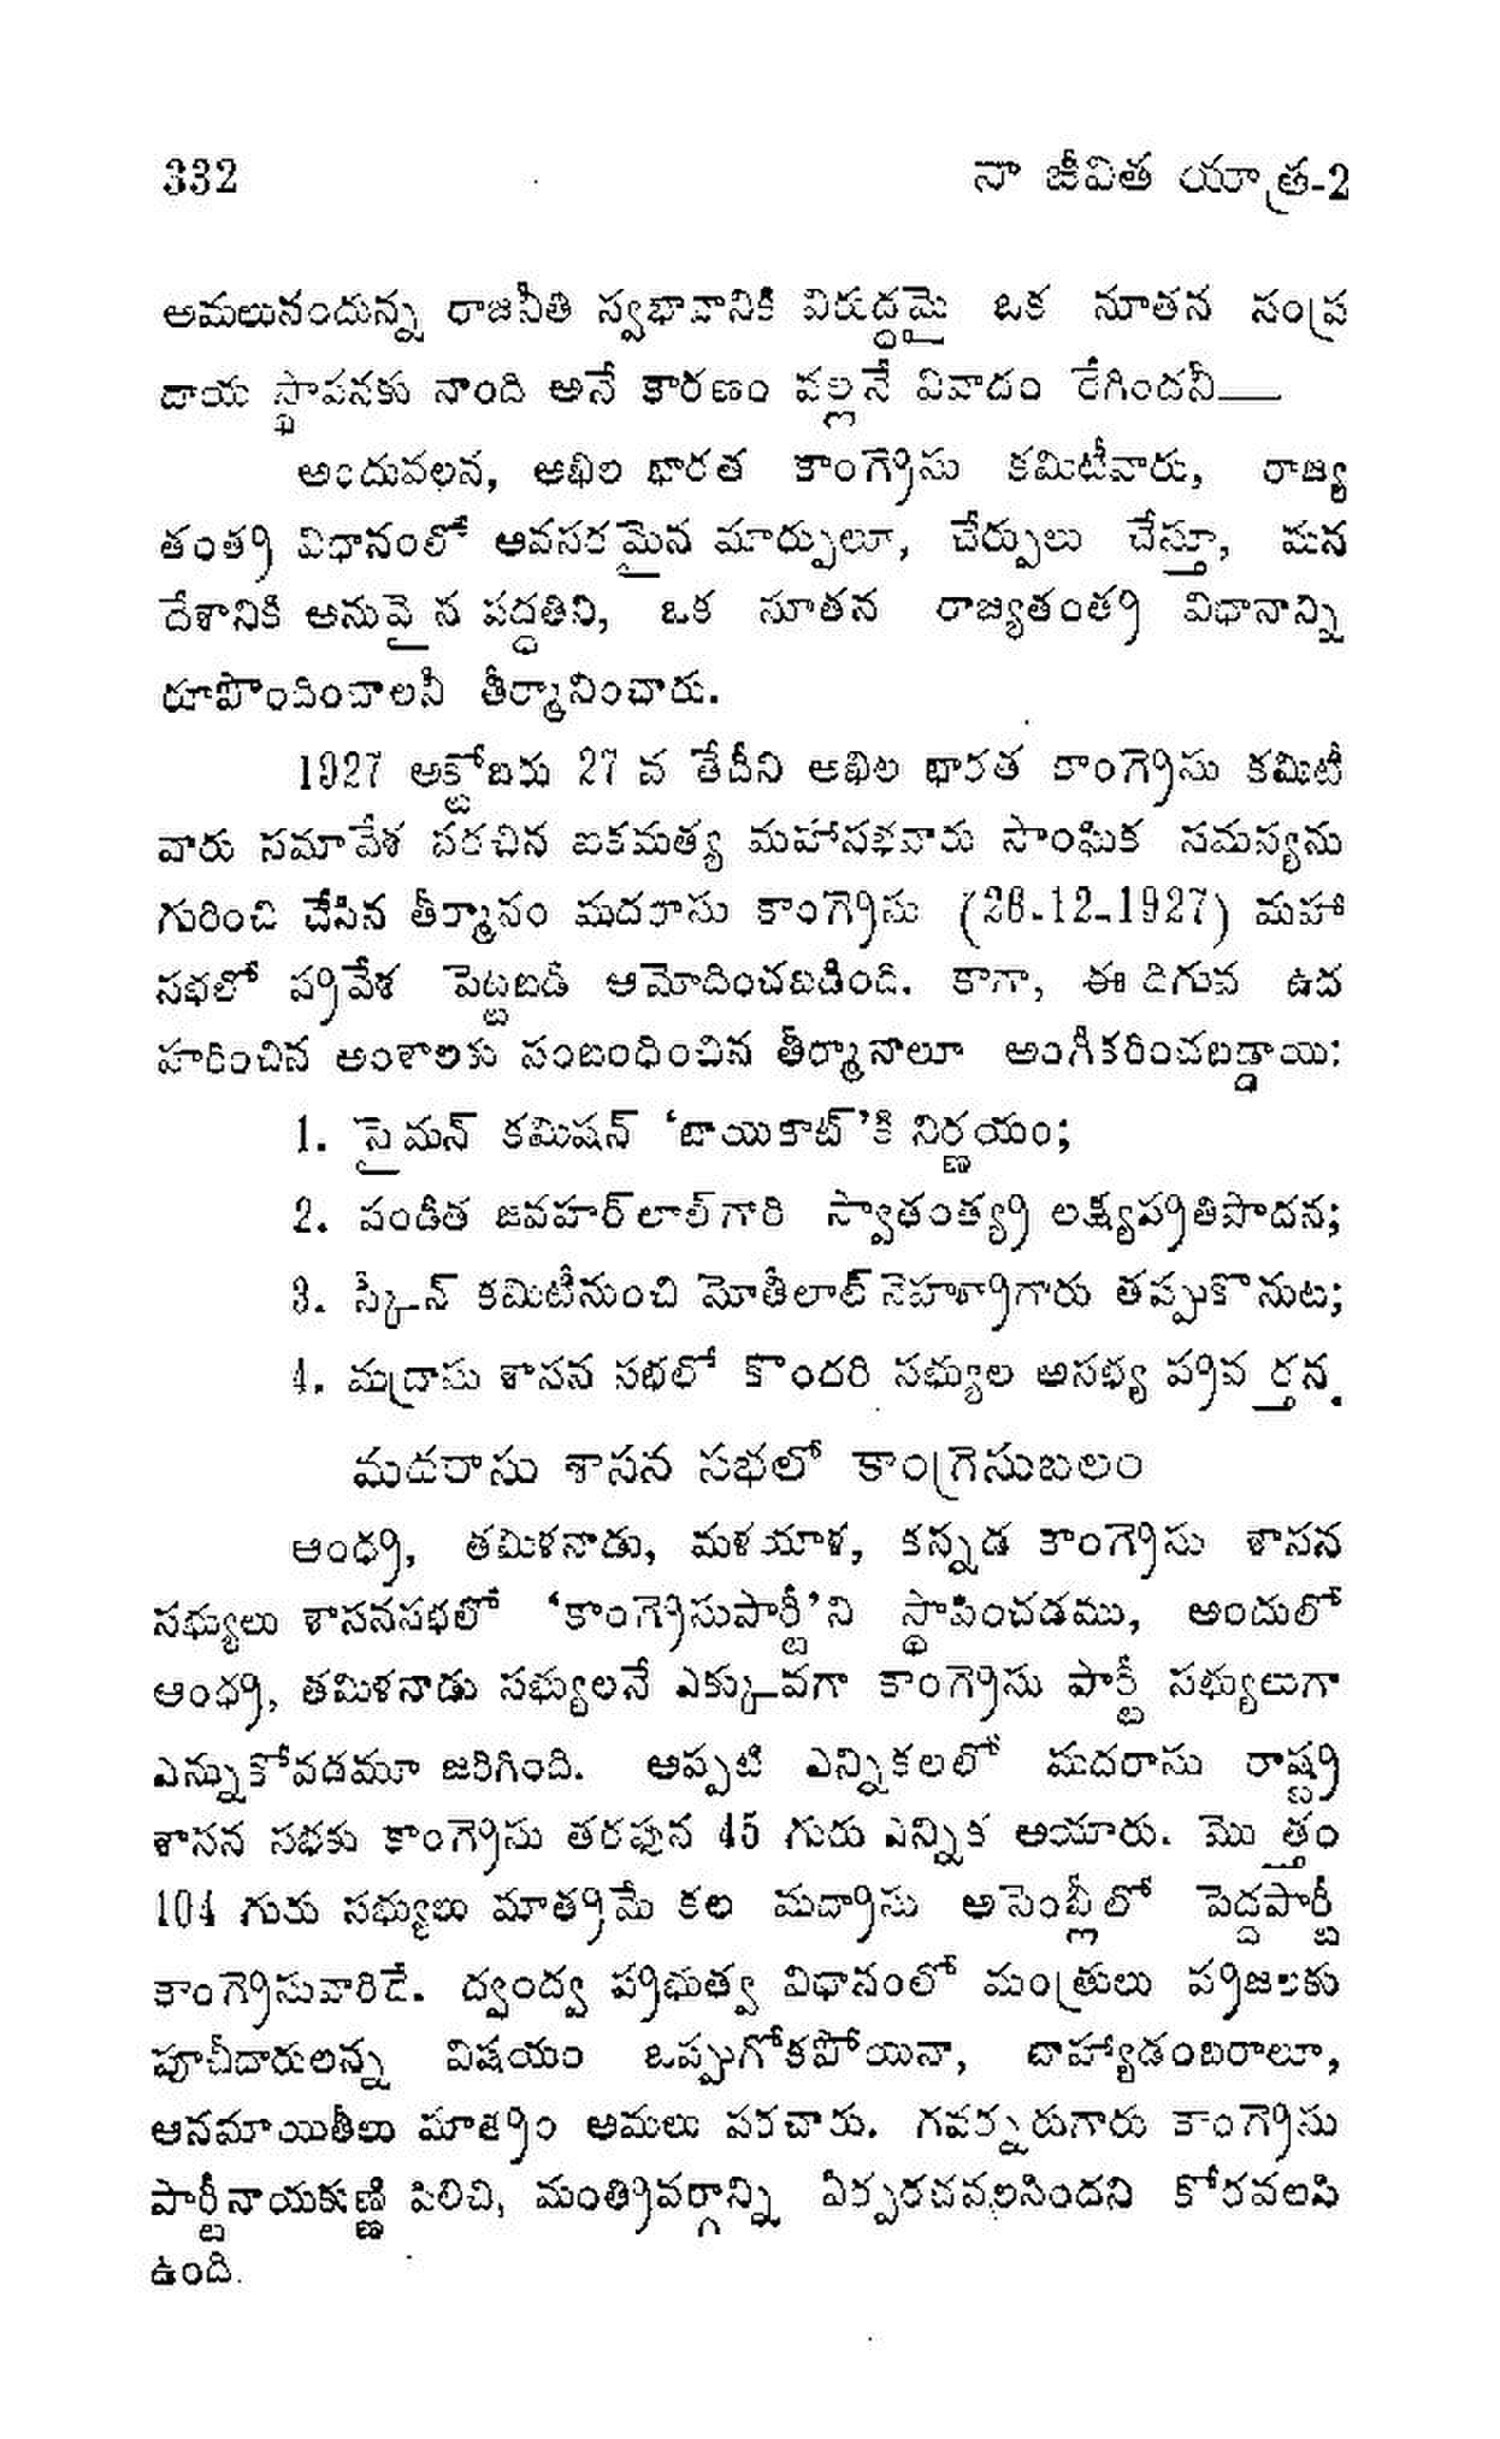అమలునందున్న రాజనీతి స్వభావానికి విరుద్దమై ఒక నూతన సంప్రదాయ స్థాపనకు నాంది అనే కారణం వల్లనే వివాదం రేగిందనీ-..........

అందువలన, అఖిల భారత కాంగ్రెసు కమిటీవారు, రాజ్యతంత్ర విధానంలో అవసరమైన మార్పులూ, చేర్పులు చేస్తూ, మన దేశానికి అనువైన పద్ధతిని, ఒక నూతన రాజ్యతంత్ర విధానాన్ని రూపొందించాలనీ తీర్మానించారు.

1927 అక్టోబరు 27 వ తేదీని అఖిల భారత కాంగ్రెసు కమిటీవారు సమావేశపరచిన ఐకమత్య మహాసభవారు సాంఘిక సమస్యను గురించి చేసిన తీర్మానం మదరాసు కాంగ్రెసు (26-12-1927) మహాసభలో ప్రవేశ పెట్టబడి ఆమోదించబడింది. కాగా, ఈ దిగువ ఉదహరించిన అంశాలకు సంబంధించిన తీర్మానాలూ అంగీకరించబడ్డాయి:

1. సైమన్ కమిషన్ "బాయికాట్"కి నిర్ణయం;

2. పండిత జవహర్‌లాల్‌గారి స్వాతంత్ర్య లక్ష్యప్రతిపాదన;

3. స్కీన్ కమిటీనుంచి మోతిలాల్‌నెహ్రూగారు తప్పుకొనుట;

4. మద్రాసు శాసన సభలో కొందరి సభ్యుల అసభ్య ప్రవర్తన.

ఆంధ్ర, తమిళనాడు, మళయాళ, కన్నడ కాంగ్రెసు శాసన సభ్యులు శాసన సభలో "కాంగ్రెసుపార్టీ"ని స్థాపించడము, అందులో ఆంధ్ర, తమిళనాడు సభ్యులనే ఎక్కువగా కాంగ్రెసు పార్టీ సభ్యులుగా ఎన్నుకోవడమూ జరిగింది. అప్పటి ఎన్నికలలో మదరాసు రాష్ట్ర శాసన సభకు కాంగ్రెసు తరపున 45 గురు ఎన్నిక అయారు. మొత్తం 104 గురు సభ్యులు మాత్రమే కల మద్రాసు అసెంబ్లీలో పెద్దపార్టీ కాంగ్రెసువారిదే. ద్వంద్వ ప్రభుత్వ విధానంలో మంత్రులు ప్రజలకు పూచీదారులన్న విషయం ఒప్పుకోకపోయినా, బాహ్యాడంబరాలూ, ఆనమాయితీలు మాత్రం అమలు పరచారు. గవర్నరుగారు కాంగ్రెసు పార్టీనాయకుణ్ణి పిలిచి, మంత్రివర్గాన్ని ఏర్పరచవలసిందని కోరవలసి ఉంది.